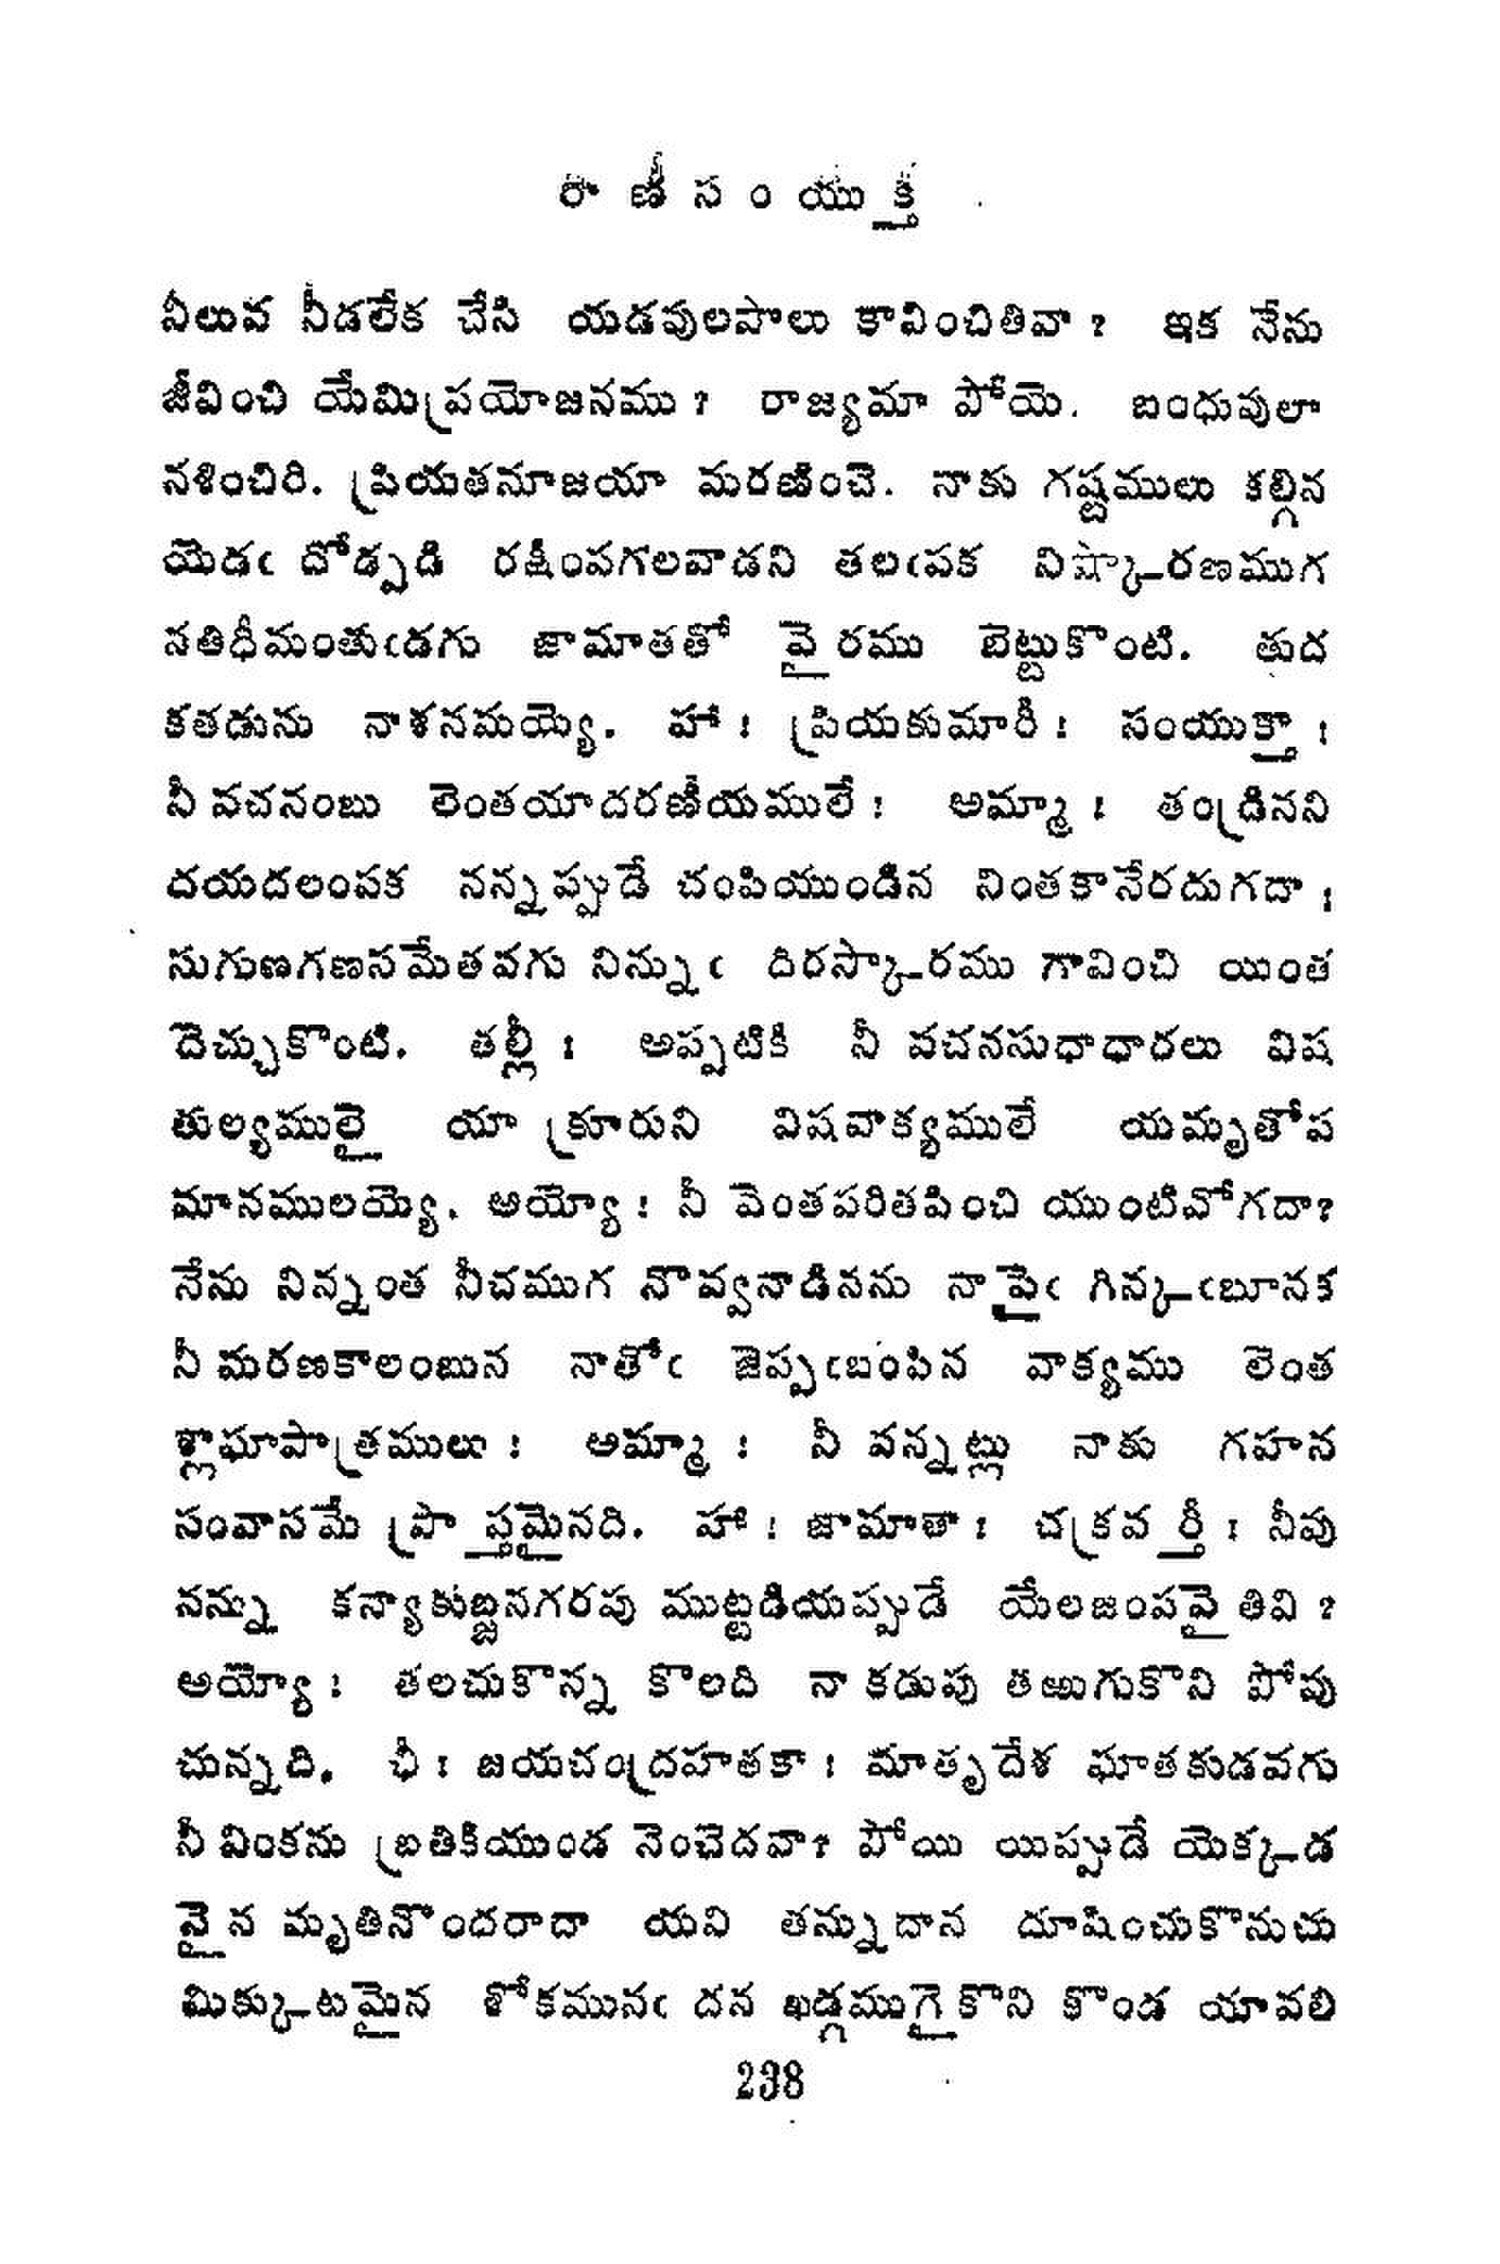నిలువ నీడలేక చేసి యడవులపాలు కావించితివా? ఇక నేను జీవించి యేమి ప్రయోజనము? రాజ్యమా పోయె. బంధువులా నశించిరి. ప్రియతనూజయా మరణించె. నాకు గష్టములు కల్గిన యెడఁ దోడ్పడి రక్షింపగలవాడని తలఁపక నిష్కారణముగ నతిధీమంతుఁడగు జామాతతో వైరము బెట్టుకొంటి. తుద కతడును నాశనమయ్యె. హా! ప్రియకుమారీ ! సంయుక్తా ! నీ వచనంబు లెంతయాదరణీయములే ! అమ్మా ! తండ్రినని దయదలంపక నన్నప్పుడే చంపియుండిన నింతకానేరదుగదా ! సుగుణగణసమేతవగు నిన్నుఁ దిరస్కారము గావించి యింత దెచ్చుకొంటి. తల్లీ ! అప్పటికి నీ వచనసుధాధారలు విషతుల్యములై యా క్రూరుని విషవాక్యములే యమృతోప మానములయ్యె. అయ్యో ! నీ వెంతపరితపించి యుంటివోగదా? నేను నిన్నంత నీచముగ నొవ్వనాడినను నాపైఁ గిన్కఁబూనక నీ మరణకాలంబున నాతోఁ జెప్పఁబంపిన వాక్యము లెంత శ్లాఘాపాత్రములు! అమ్మా ! నీ వన్నట్లు నాకు గహన సంవాసమే ప్రాప్తమైనది. హా ! జామాతా ! చక్రవర్తీ ! నీవు నన్ను కన్యాకుబ్జనగరపు ముట్టడియప్పుడే యేలజంపవైతివి? అయ్యో : తలచుకొన్న కొలది నా కడుపు తఱుగుకొని పోవుచున్నది. చీ ! జయచంద్రహతకా ! మాతృదేశ ఘాతకుడవగు నీ వింకను బ్రతికి యుండ నెంచెదవా ? పోయి యిప్పుడే యెక్కడనైన మృతినొందరాదా యని తన్నుదాన దూషించుకొనుచు మిక్కుటమైన శోకమునఁ దన ఖడ్గముగైకొని కొండ యావలి